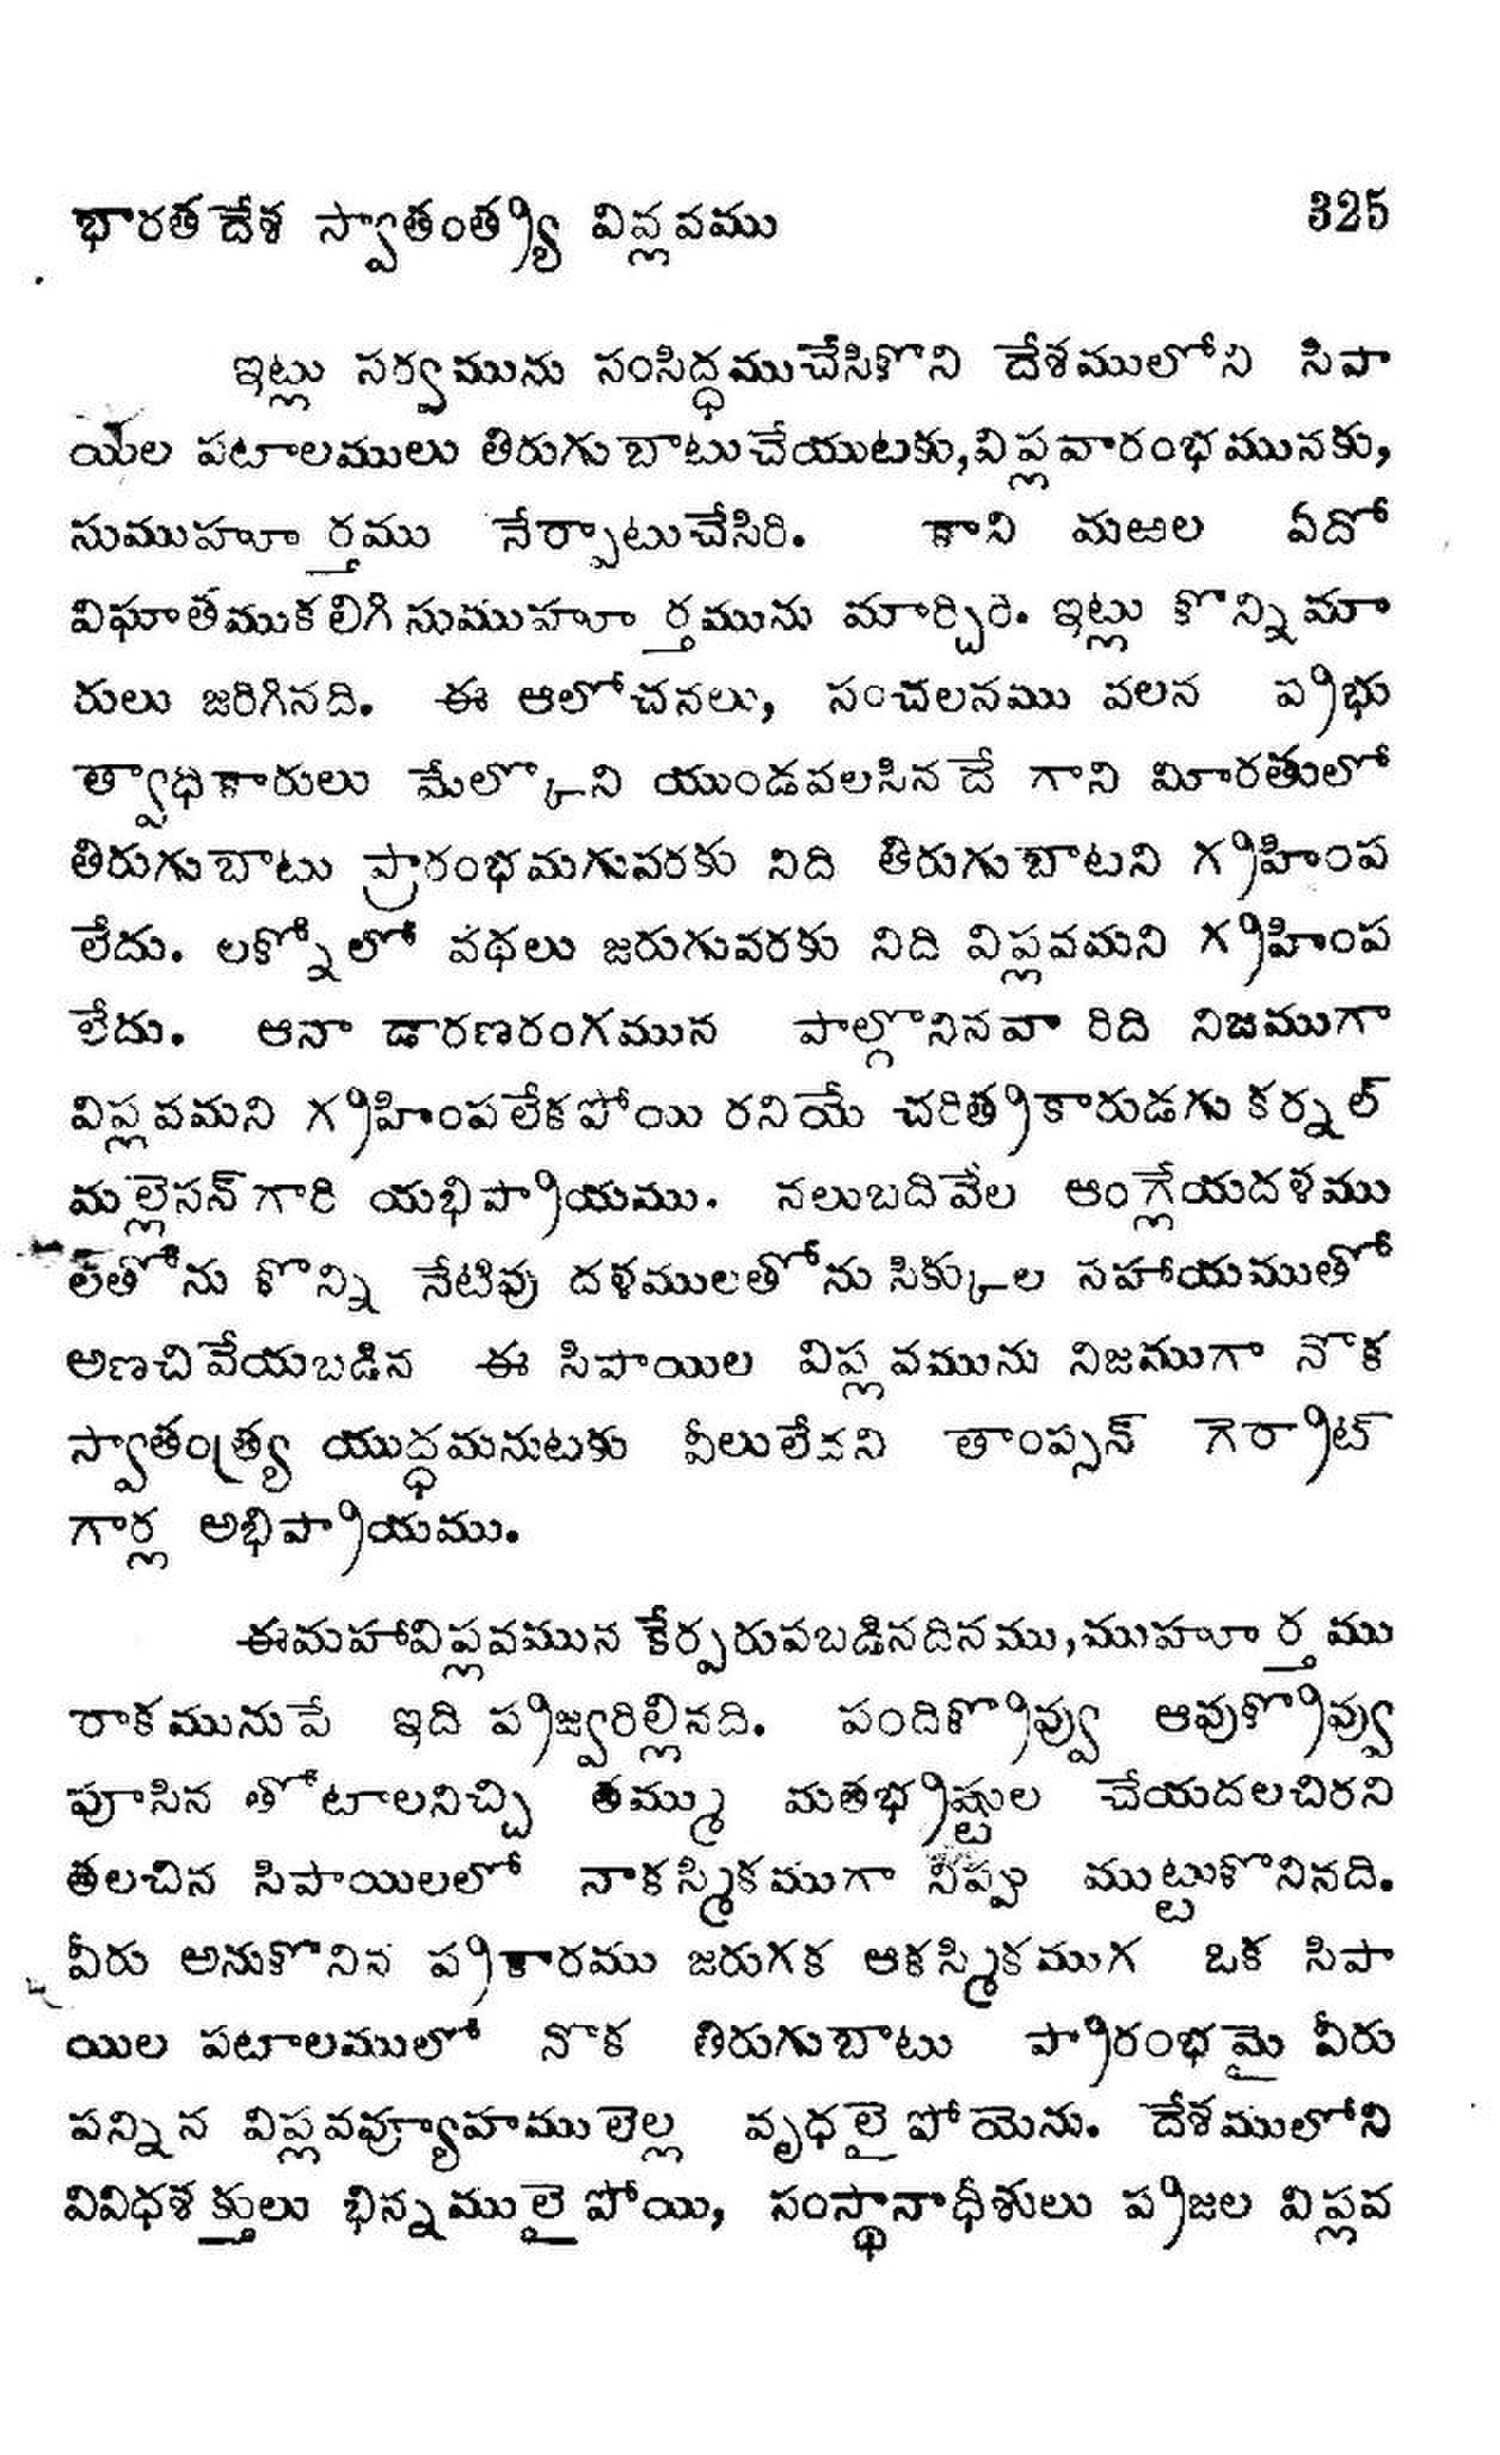ఇట్లు సర్వమును సంసిద్ధముచేసికొని దేశములోని సిపాయిల పటాలములు తిరుగుబాటుచేయుటకు, విప్లవారంభమునకు, సుముహూర్తము నేర్పాటుచేసిరి. కాని మఱల ఏదో విఘాతముకలిగి సుముహూర్తమును మార్చిరి. ఇట్లు కొన్నిమారులు జరిగినది. ఈ ఆలోచనలు, సంచలనము వలన ప్రభుత్వాధికారులు మేల్కొని యుండవలసినదే గాని మీరతులో తిరుగుబాటు ప్రారంభమగువరకు నిది తిరుగుబాటని గ్రహింపలేదు. లక్నోలో వధలు జరుగువరకు నిది విప్లవమని గ్రహింపలేదు. ఆనా డారణరంగమున పాల్గొనినవా రిది నిజముగా విప్లవమని గ్రహింపలేక పోయి రనియే చరిత్రకారుడగు కర్నల్ మల్లెసన్ గారి యభిప్రాయము. నలుబదివేల ఆంగ్లేయదళములతోను కొన్ని నేటివు దళములతోను సిక్కుల సహాయముతో అణచివేయబడిన ఈ సిపాయిల విప్లవమును నిజముగా నొక స్వాతంత్ర్య యుద్దమనుటకు వీలులేదని తాంప్సన్ గెర్రాట్ గార్ల అభిప్రాయము.

ఈమహావిప్లవమున కేర్పరుపబడినదినము ముహూర్తము రాకమునుపే ఇది ప్రజ్వరిల్లినది. పందిక్రొవ్వు ఆవుక్రొవ్వు పూసిన తోటాలనిచ్చి తమ్ము మతభ్రష్టుల చేయదలచిరని తలచిన సిపాయిలలో నాకస్మికముగా నిప్పు ముట్టుకొనినది. వీరు అనుకొనిన ప్రకారము జరుగక ఆకస్మికముగ ఒక సిపాయిల పటాలములో నొక తిరుగుబాటు ప్రారంభమై వీరు పన్నిన విప్లవవ్యూహములెల్ల వృధలైపోయెను. దేశములోని వివిధశక్తులు భిన్నములై పోయి, సంస్థానాధీశులు ప్రజల విప్లవ